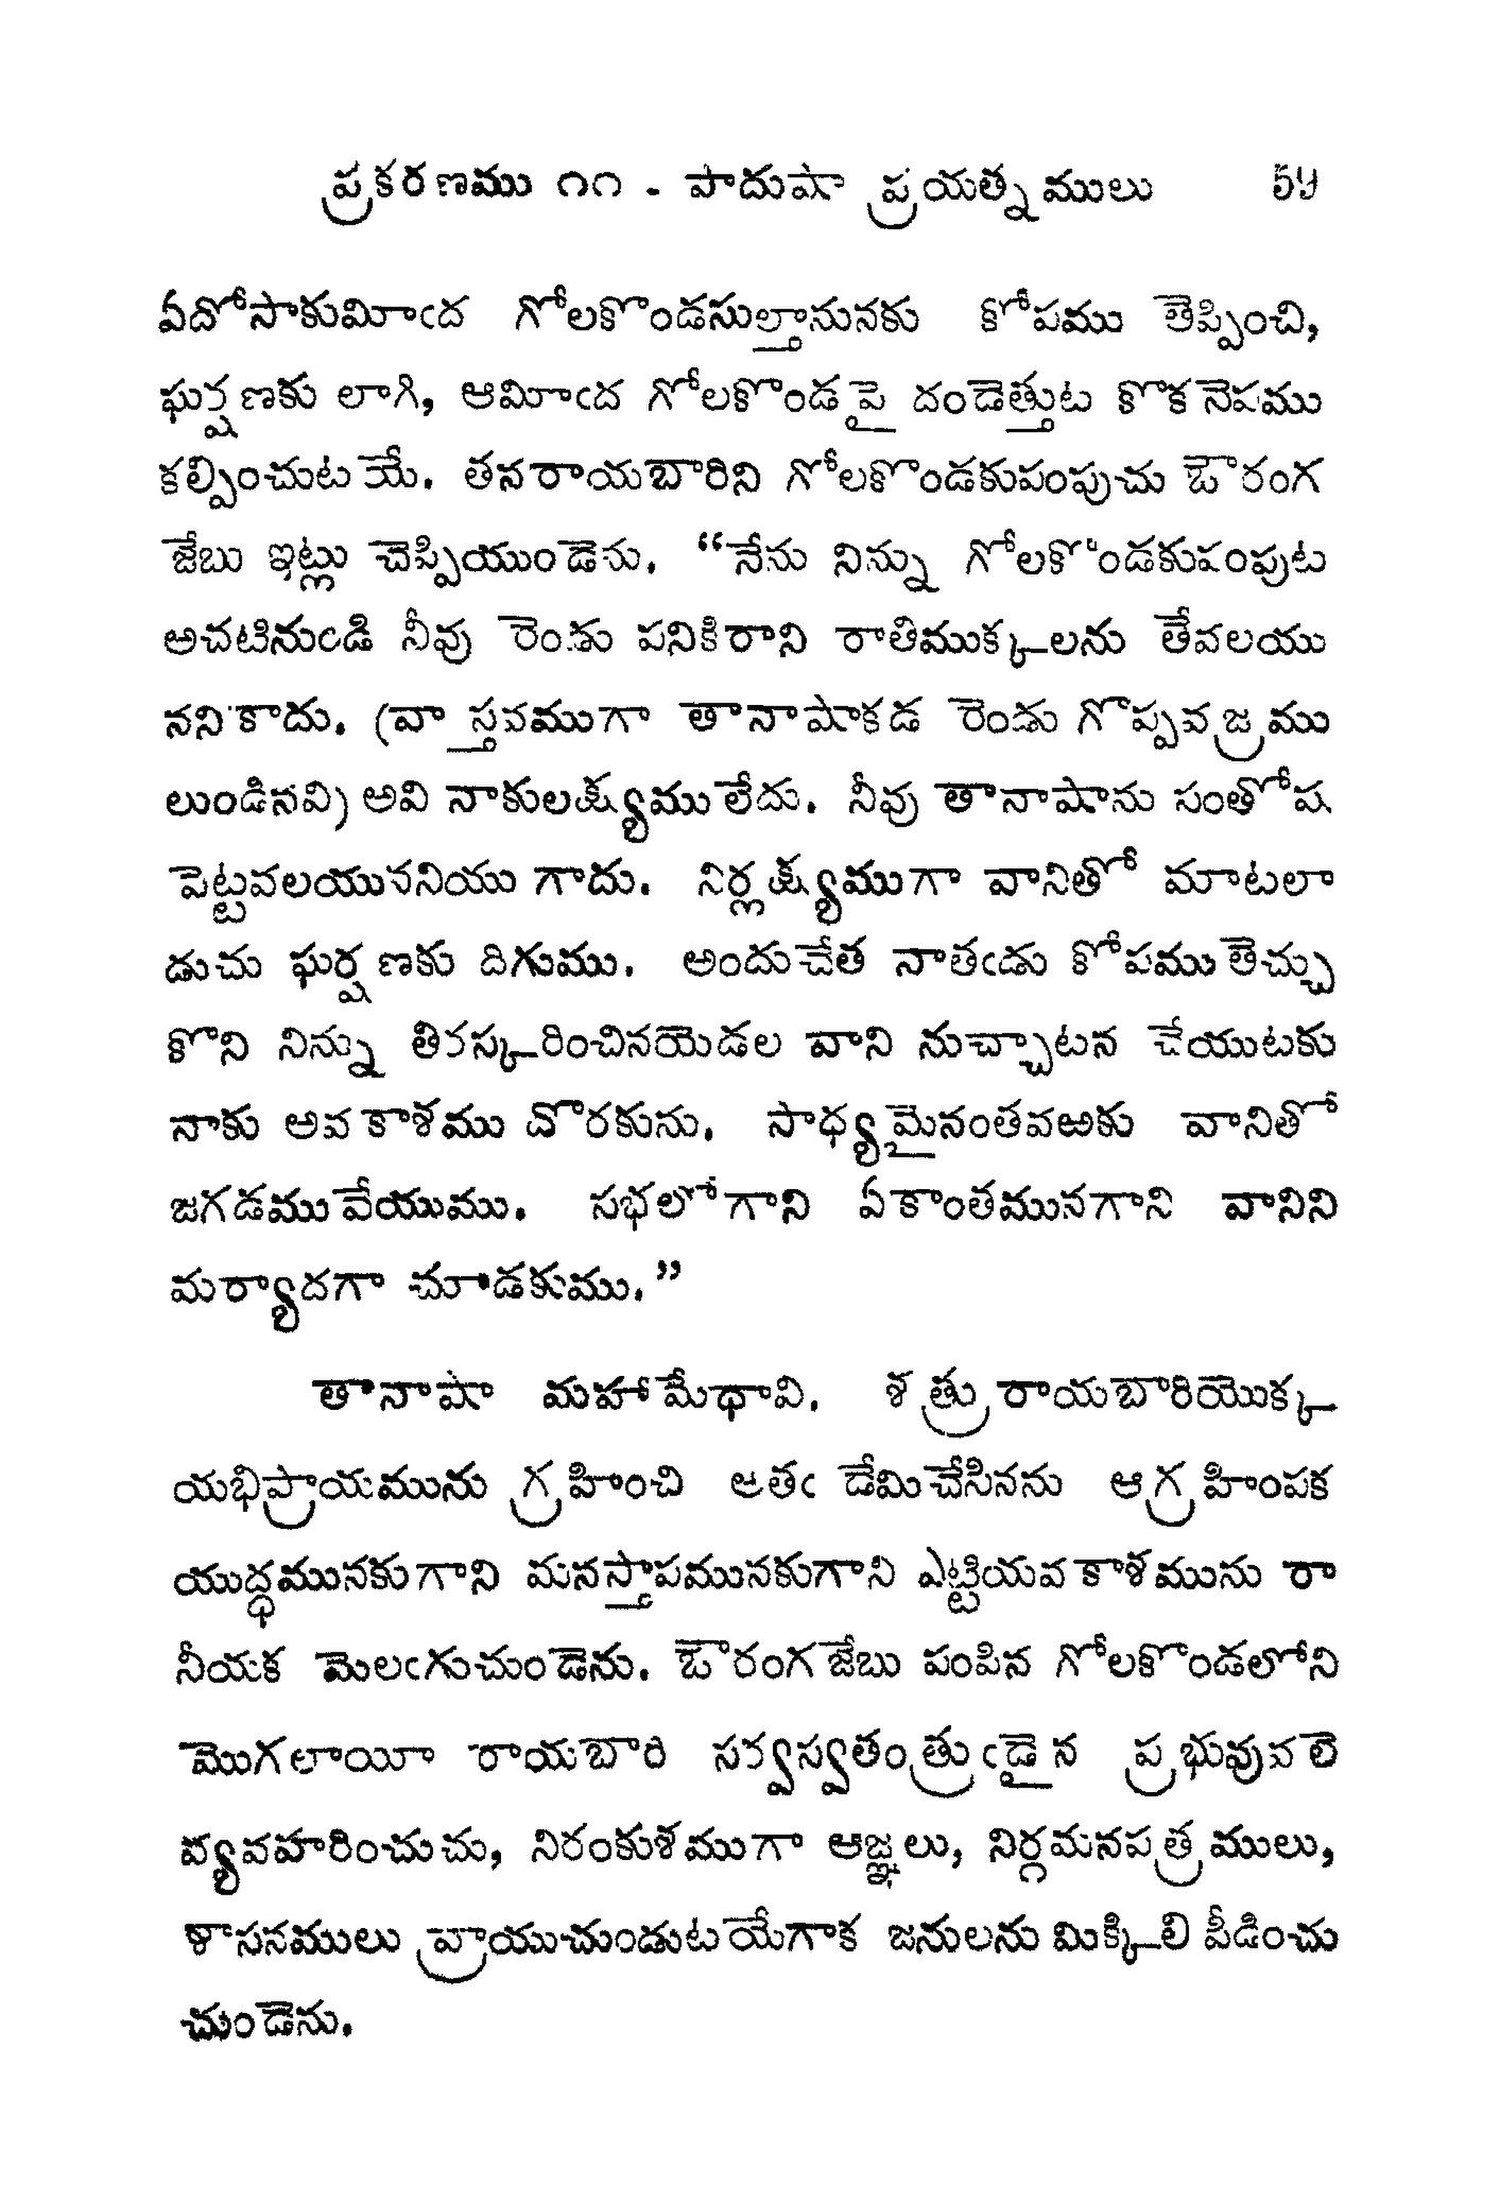ఏదోసాకుమీఁద గోలకొండసుల్తానునకు కోపము తెప్పించి, ఘర్షణకు లాగి, ఆమీఁద గోలకొండపై దండెత్తుట కొకనెపము కల్పించుటయే. తనరాయబారిని గోలకొండకుపంపుచు ఔరంగజేబు ఇట్లు చెప్పియుండెను. “నేను నిన్ను గోలకొండకుపంపుట అచటినుండి నీవు రెండు పనికిరాని రాతిముక్కలను తేవలయుననికాదు, (వాస్తవముగా తానాషాకడ రెండు గొప్పవజ్రము లుండినవి) అవి నాకులక్ష్యము లేదు. నీవు తానాషాను సంతోష పెట్టవలయుననియు గాదు. నిర్లక్ష్యముగా వానితో మాటలాడుచు ఘర్షణకు దిగుము. అందుచేత నాతఁడు కోపము తెచ్చుకొని నిన్ను తిరస్కరించినయెడల వాని నుచ్చాటన చేయుటకు నాకు అవకాశము దొరకును. సాధ్యమైనంతవఱకు వానితో జగడమువేయుము. సభలోగాని ఏకాంతమునగాని వానిని మర్యాదగా చూడకుము.”

తానాషా మహామేధావి. శత్రురాయబారియొక్క యభిప్రాయమును గ్రహించి అతఁ డేమిచేసినను ఆగ్రహింపక యుద్ధమునకుగాని మనస్తాపమునకుగాని ఎట్టియవకాశమును రానీయక మెలఁగుచుండెను. ఔరంగజేబు పంపిన గోలకొండలోని మొగలాయీ రాయబారి సర్వస్వతంత్రుఁడైన ప్రభువువలె వ్యవహరించుచు, నిరంకుశముగా ఆజ్ఞలు, నిర్గమనపత్రములు, శాసనములు వ్రాయుచుండుటయేగాక జనులను మిక్కిలి పీడించుచుండెను.